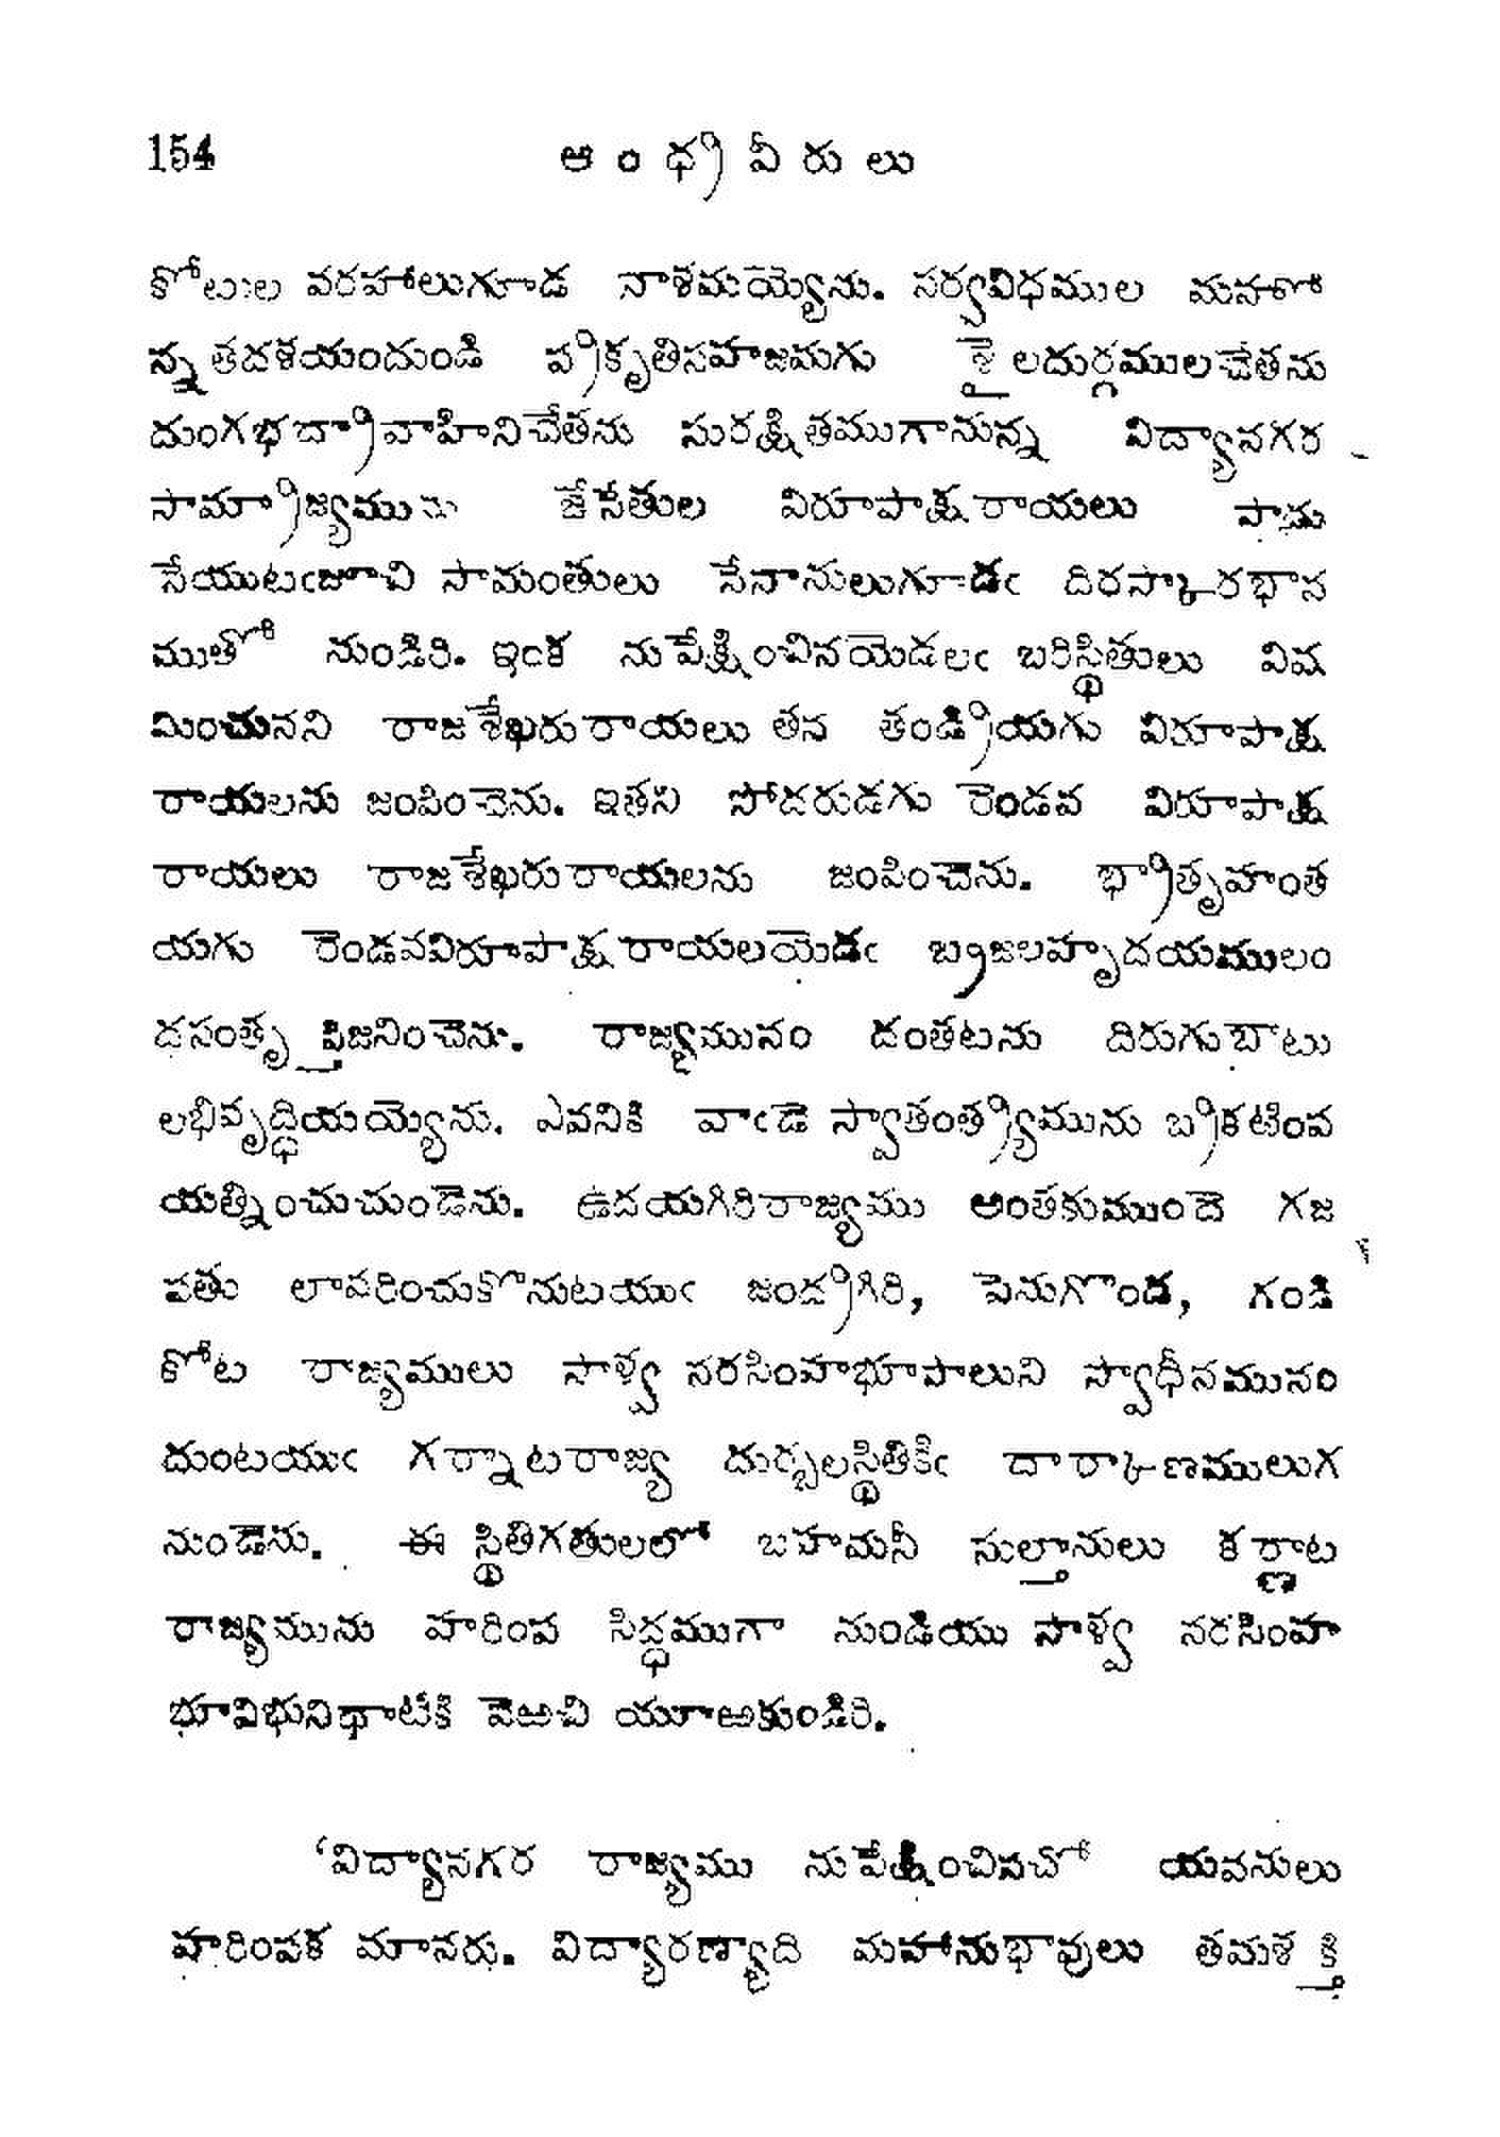కోటుల వరహాలుగూడ నాశమయ్యెను. సర్వవిధముల మహోన్నతదశయందుండి ప్రకృతిసహజమగు శైలదుర్గములచేతను దుంగభద్రావాహినిచేతను సురక్షితముగానున్న విద్యానగర సామ్రాజ్యమును జేసేతుల విరూపాక్షరాయలు పాడుసేయుటజూచి సామంతులు సేనానులుగూడ దిరస్కారభావముతో నుండిరి. ఇంక నుపేక్షించినయెడల బరిస్థితులు విషమించునని రాజశేఖరురాయలు తన తండ్రియగు విరూపాక్షరాయలను జంపించెను. ఇతనిసోదరుడగు రెండవ విరూపాక్షరాయలు రాజశేఖరు రాయలను జంపించెను. భ్రాతృహంతయగు రెండవవిరూపాక్షరాయలయెడ బ్రజలహృదయములం దసంతృప్తిజనించెను. రాజ్యమునం దంతటను దిరుగుబాటు లభివృద్ధియయ్యెను. ఎవనికి వాడె స్వాతంత్ర్యమును బ్రకటింప యత్నించుచుండెను. ఉదయగిరిరాజ్యము అంతకుముందె గజపతు లావరించుకొనుటయు జంద్రగిరి, పెనుగొండ, గండికోట రాజ్యములు సాళ్వ నరసింహభూపాలుని స్వాధీనమునందుంటయు గర్నాటరాజ్య దుర్బలస్థితికి దార్కాణములుగ నుండెను. ఈ స్థితిగతులలో బహమనీ సుల్తానులు కర్ణాట రాజ్యమును హరింప సిద్ధముగా నుండియు సాళ్వ నరసింహ భూవిభునిధాటికి వెఱచి యూఱకుండిరి.

'విద్యానగర రాజ్యము నుపేక్షించినచో యవనులు హరింపక మానరు. విద్యారణ్యాది మహానుభావులు తమశక్తి